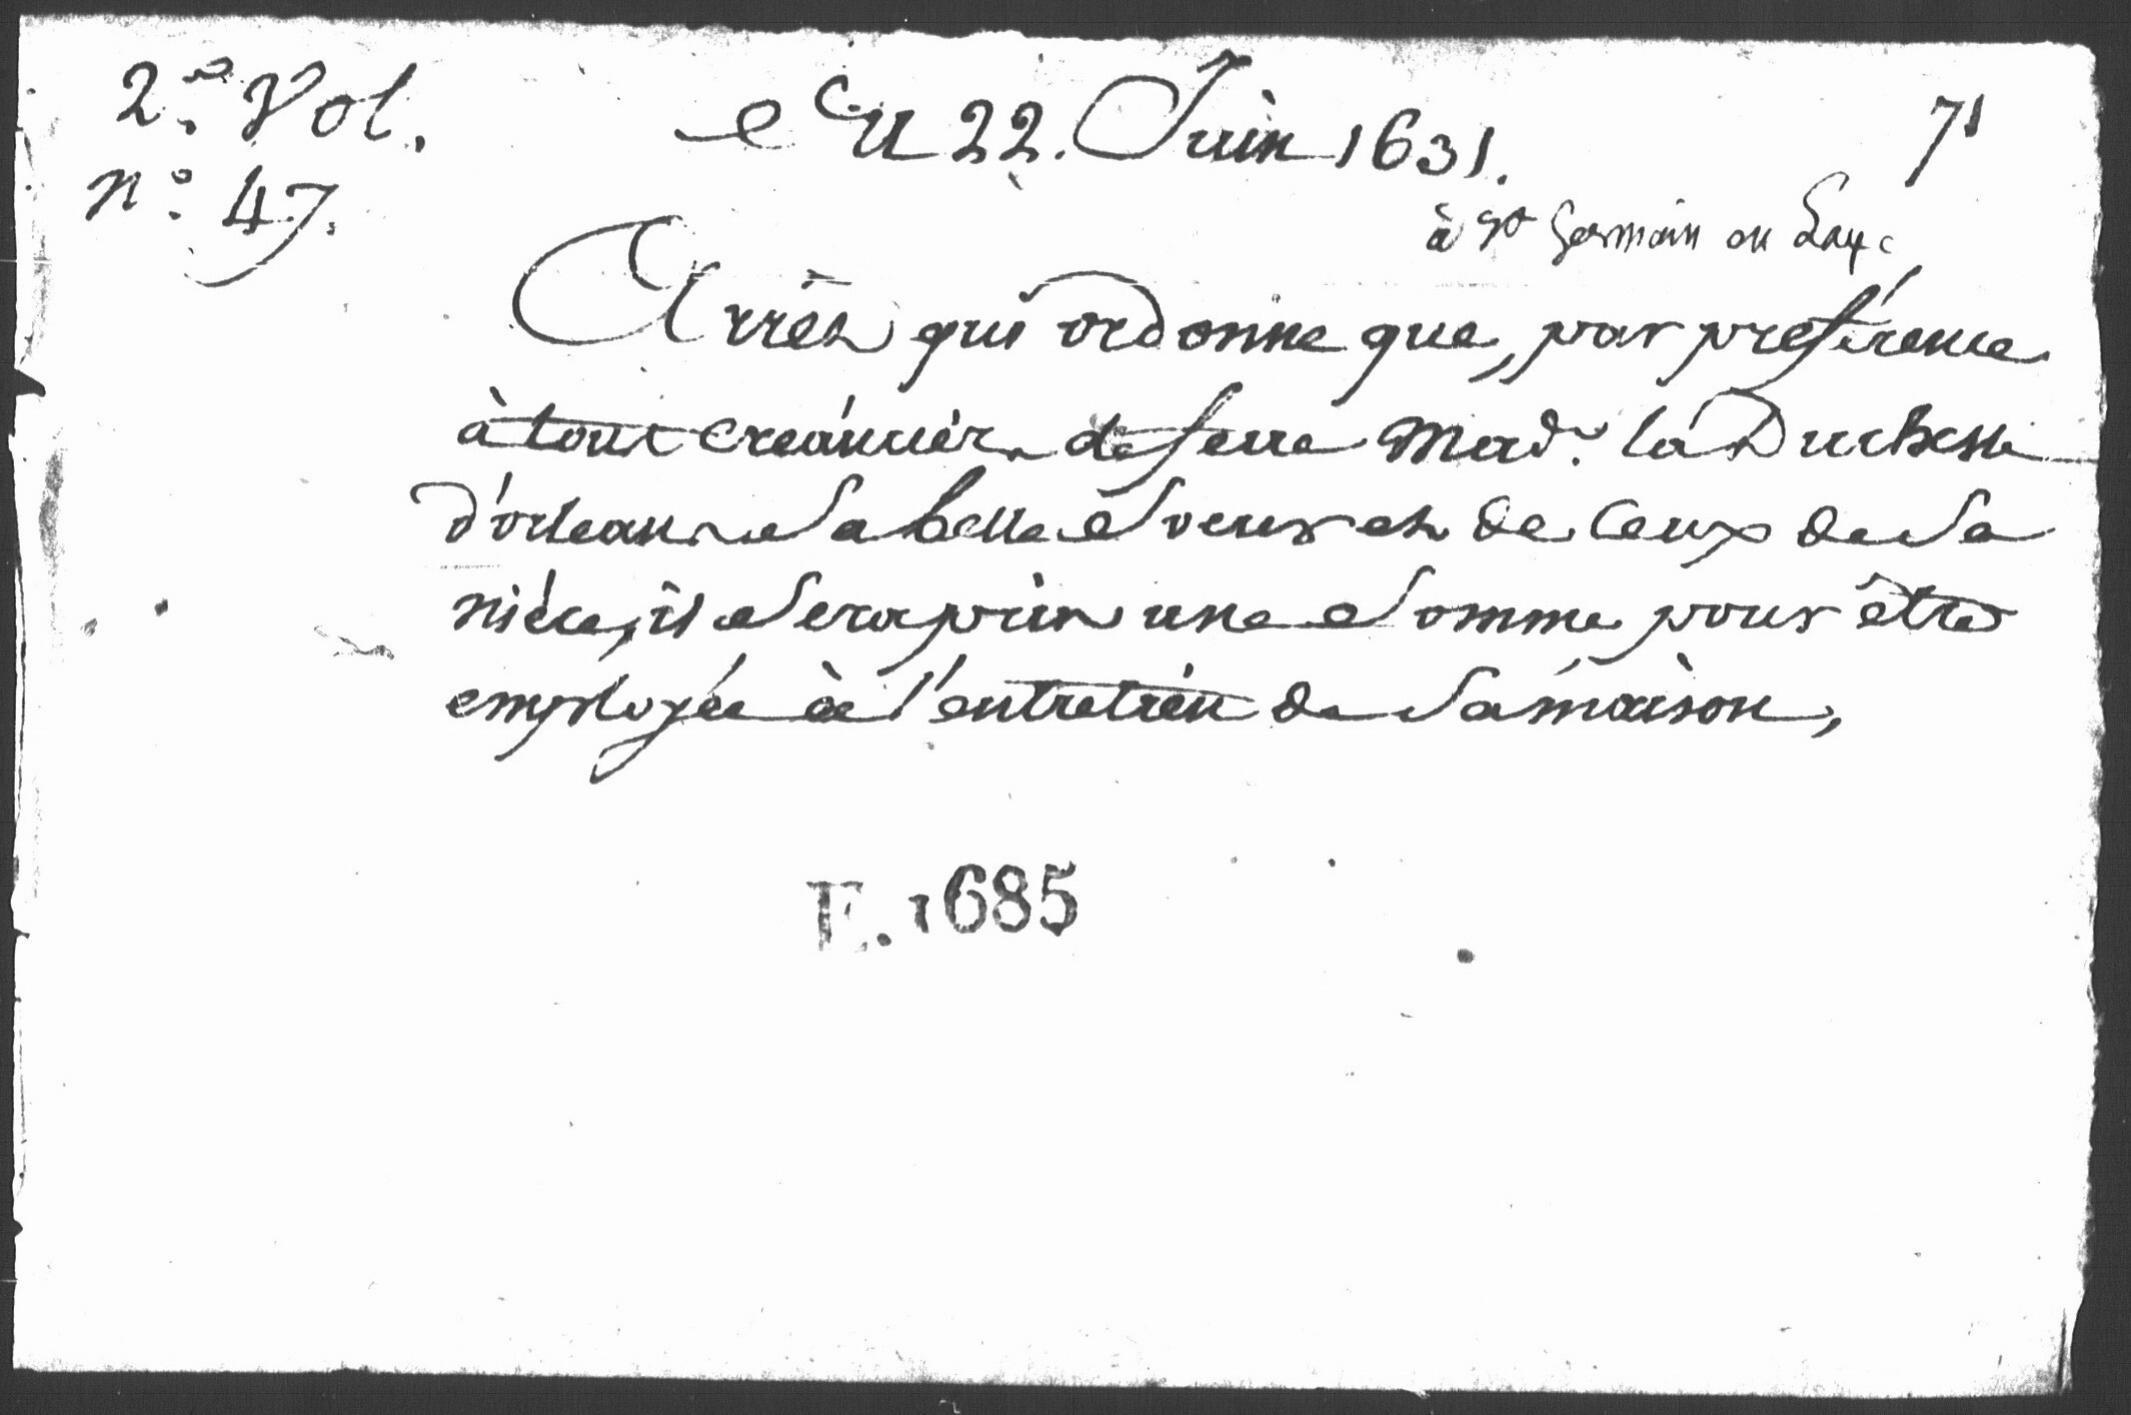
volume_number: n°47
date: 22 juin 1631
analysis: à St Germain en Laye 71
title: Arrêt qui ordonne que, par preférence à tous créanciers de feue Mad.e la duchesse d'orleans sa belle soeur et de ceux de sa nièce, il sera pris une somme pour être employée à l'entretien de sa maison,
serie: E
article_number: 1685
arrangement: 2.e vol.
